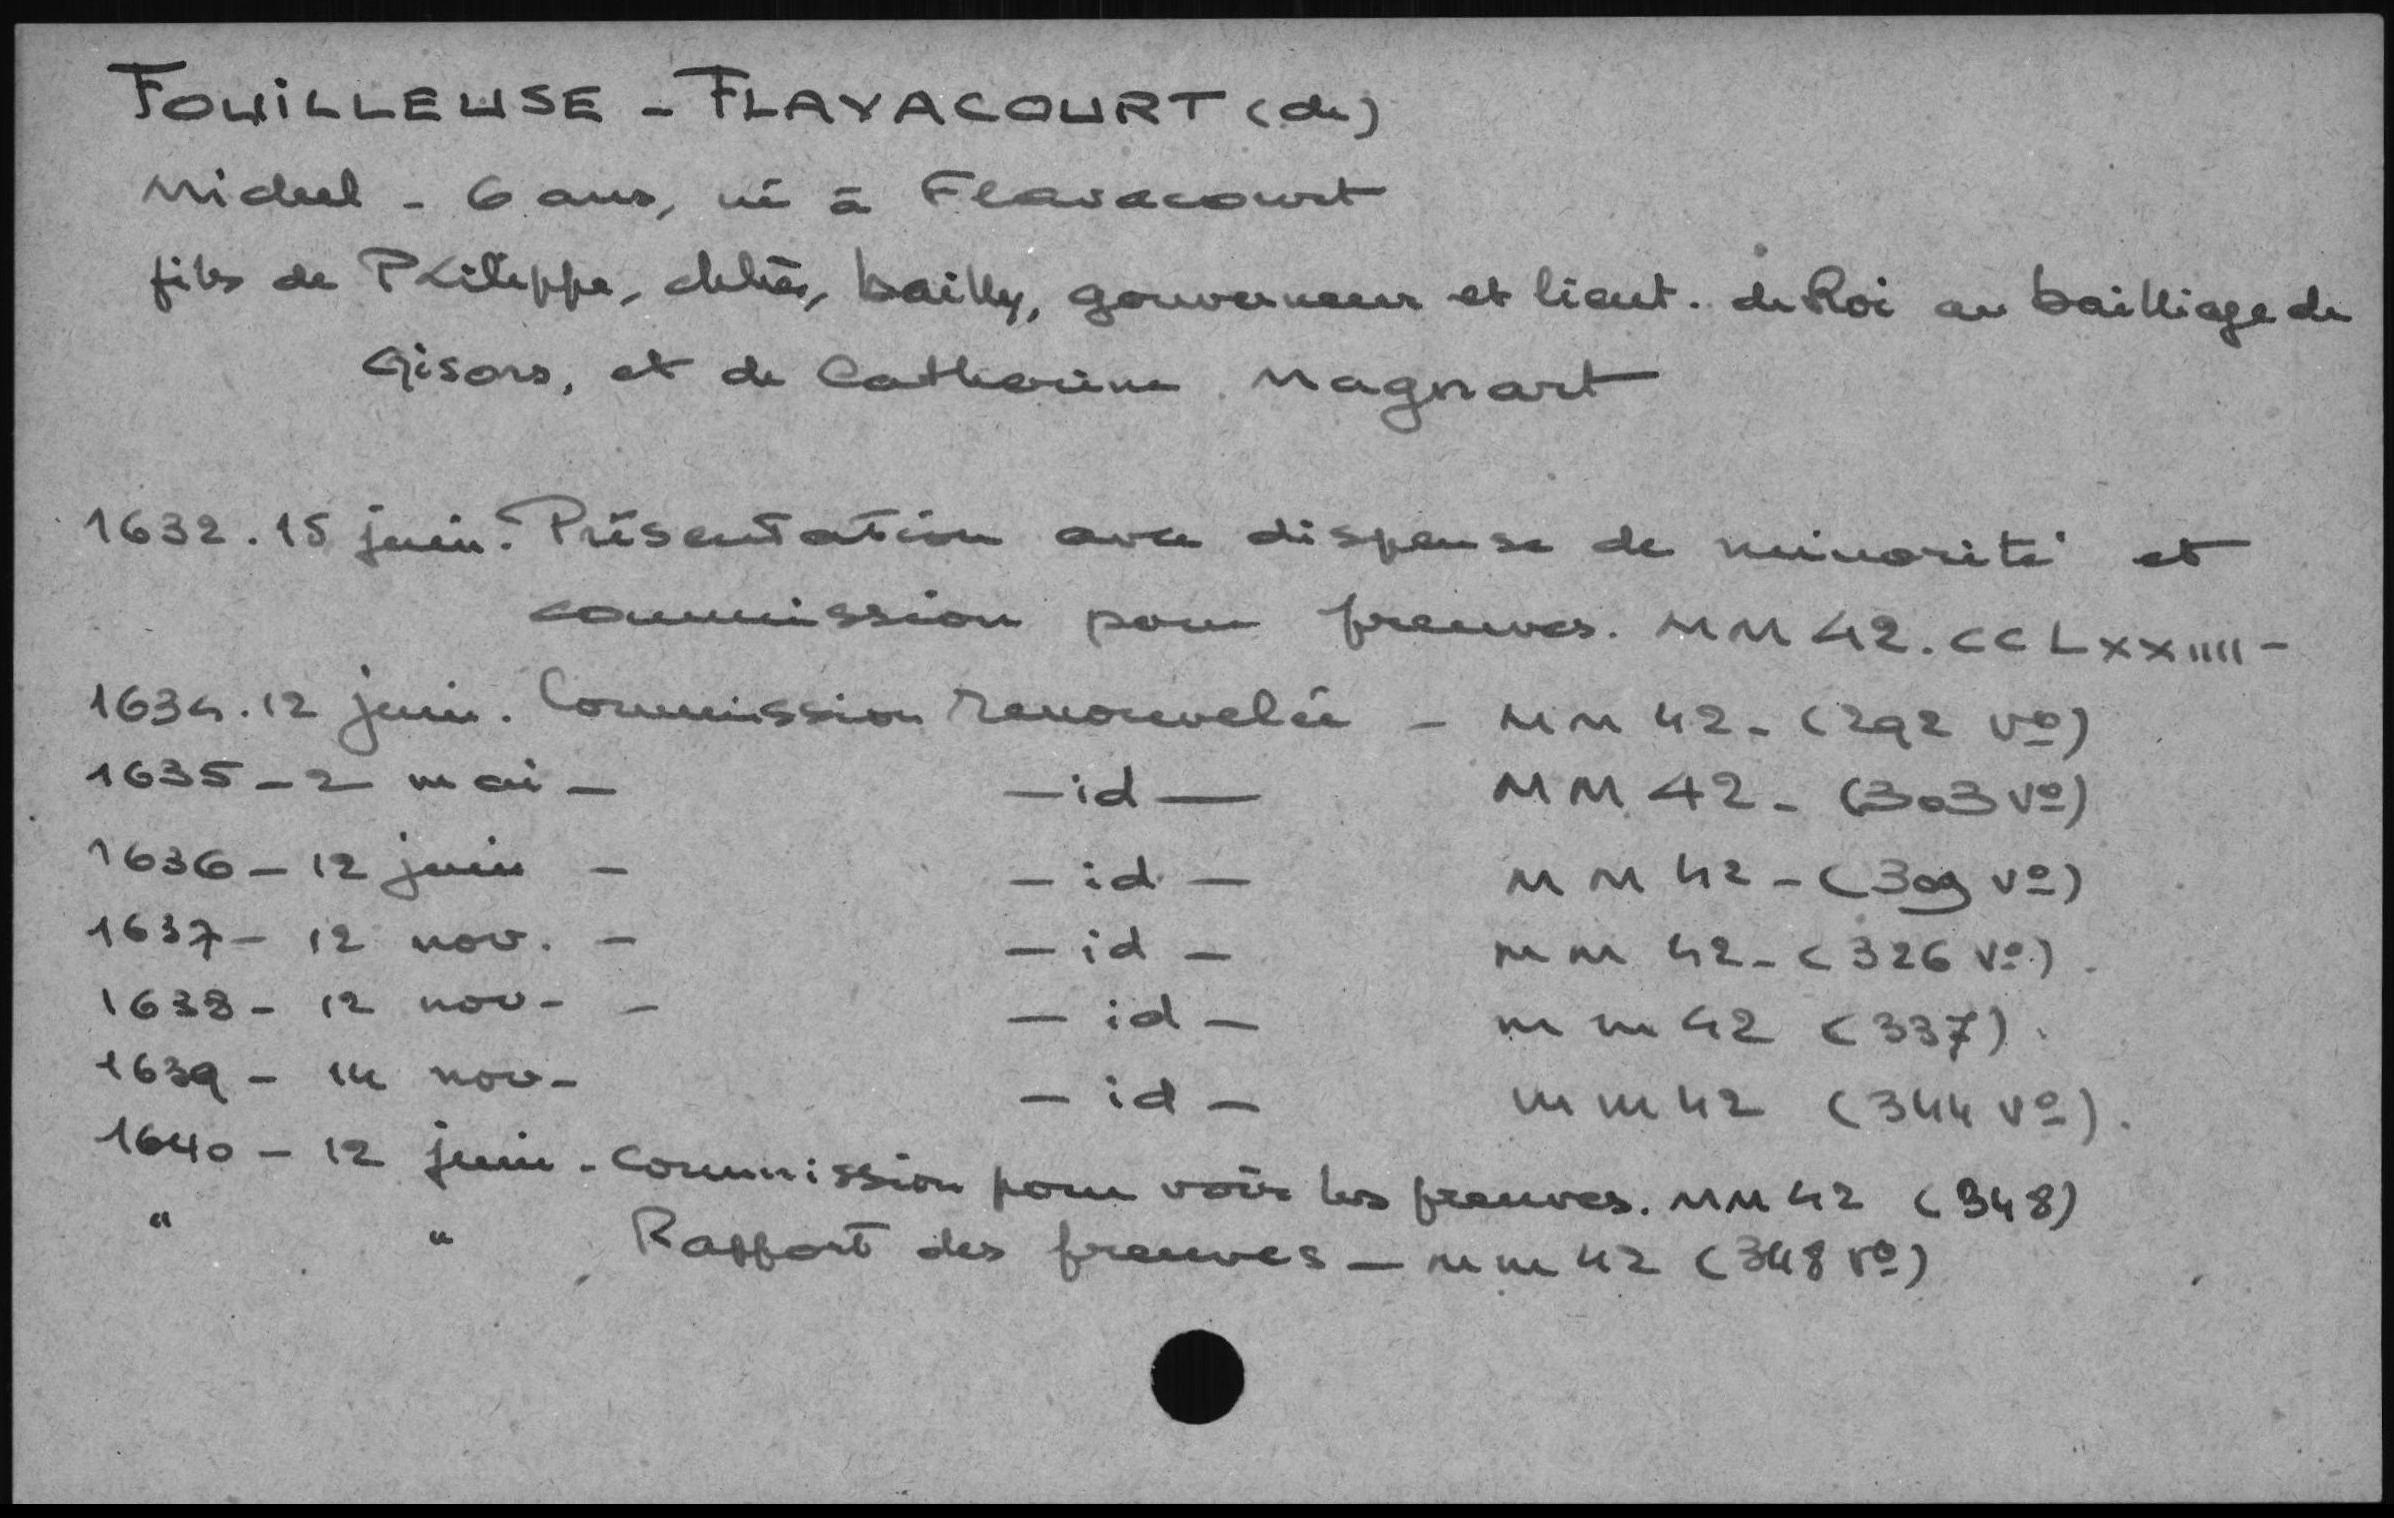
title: FOUILLEUSE-FLAVACOURT (de) Michel, 6 ans, né à Flavacourt fils de Philippe, chevalier, bailly, gouverneur et lieutenant du Roi au bailliage de Gisors, et de Catherine Magnart
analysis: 1632, 15 juin. Présentation avec dispense de minorité et commission pour preuves. MM 42, CCLXXIIII 1634, 12 juin. Commission renouvelée. MM 42 (292v) 1635, 2 mai. - id - MM 42 (303v) 1636, 12 juin. - id - MM 42 (309v) 1637, 12 novembre - id - MM 42 (326v) 1638, 12 novembre - id - MM 42 (337) 1639, 14 novembre - id - MM 42 (344v) 1640, 12 juin. Commission pour voir les preuves. MM 42 (348) " " Rapport des preuves. MM 42 (348v)
